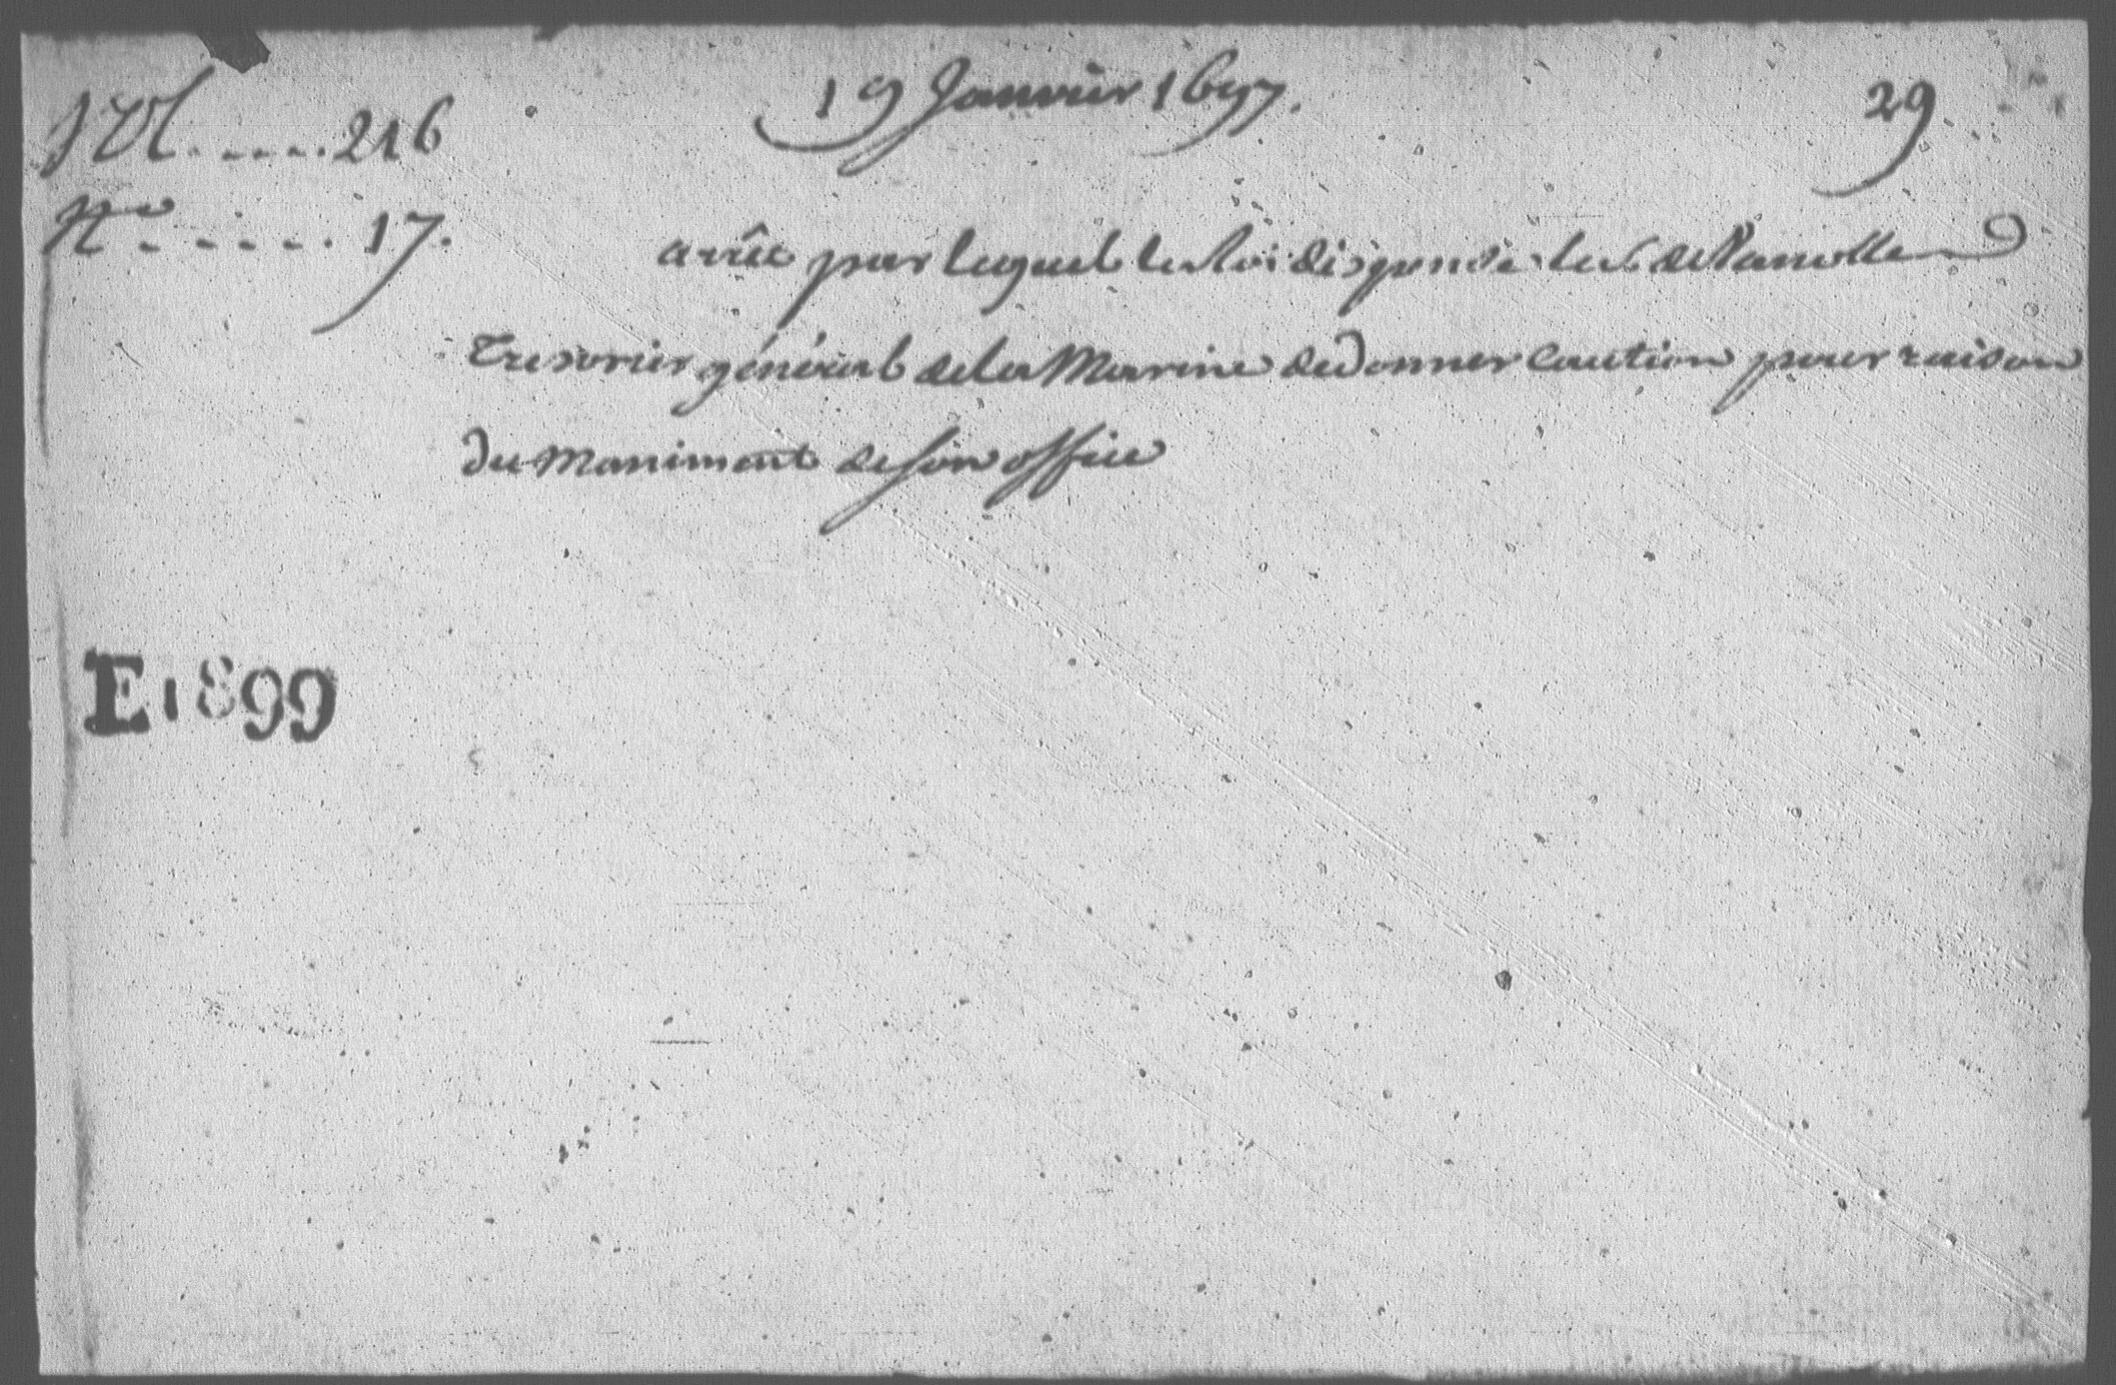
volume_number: n°17
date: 19 janvier 1697
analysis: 29
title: arrêt par lequel le Roi dispense le S. de Vanolles Tresorier général de la Marine de donner caution pour raison du maniment de son office
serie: E
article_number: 1899
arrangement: vol. 216
